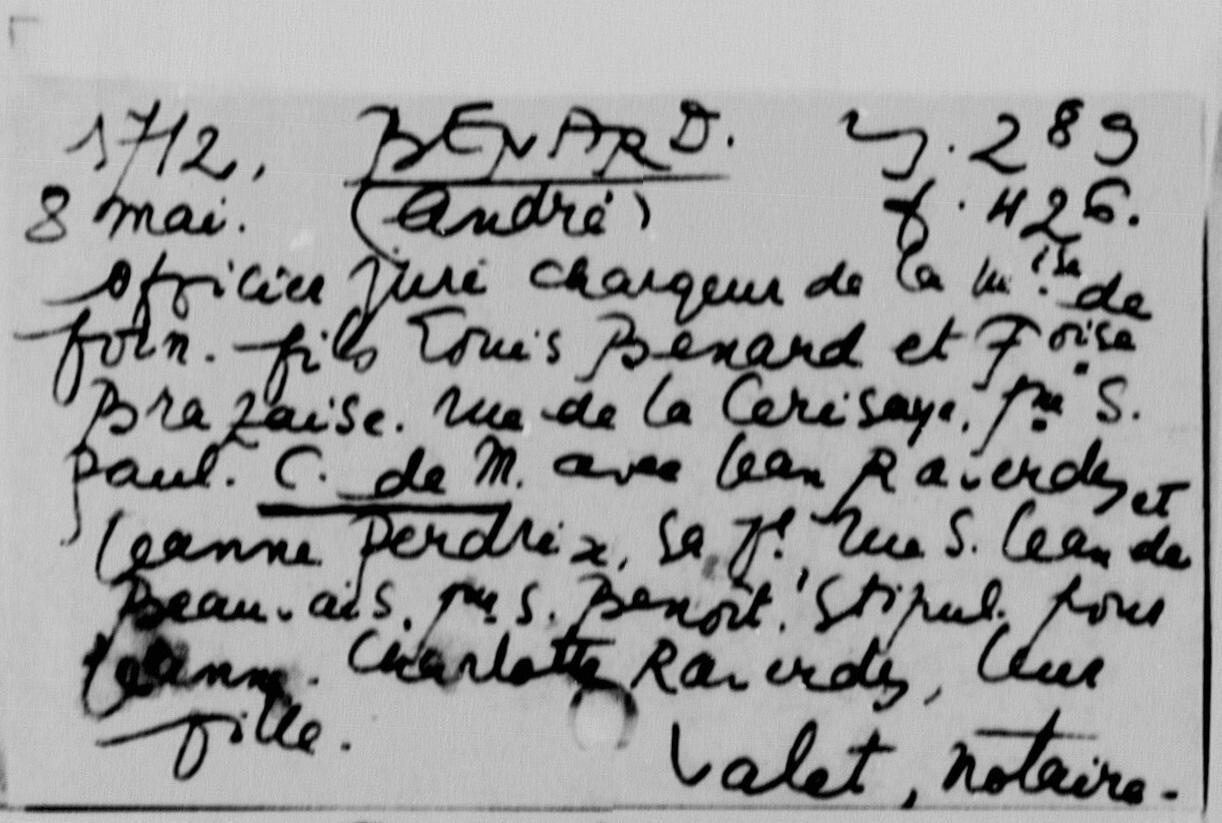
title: BENARD (André)
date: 8 mai 1712
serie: Y
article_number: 289
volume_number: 426
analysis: Officier juré changeur de la marquise de Foin. Fils Louis Benard et Françoise Brazaise, rue de la Cerisaye, paroisse Saint-Paul. Contrat de mariage avec Jean Raverdy et Jeanne Perdrix, sa femme, rue Saint-Jean de Beauvais, paroisse Saint-Benoît. Stipulant pour Jeanne-Charlotte Raverdy, leur fille. Valet, notaire.
